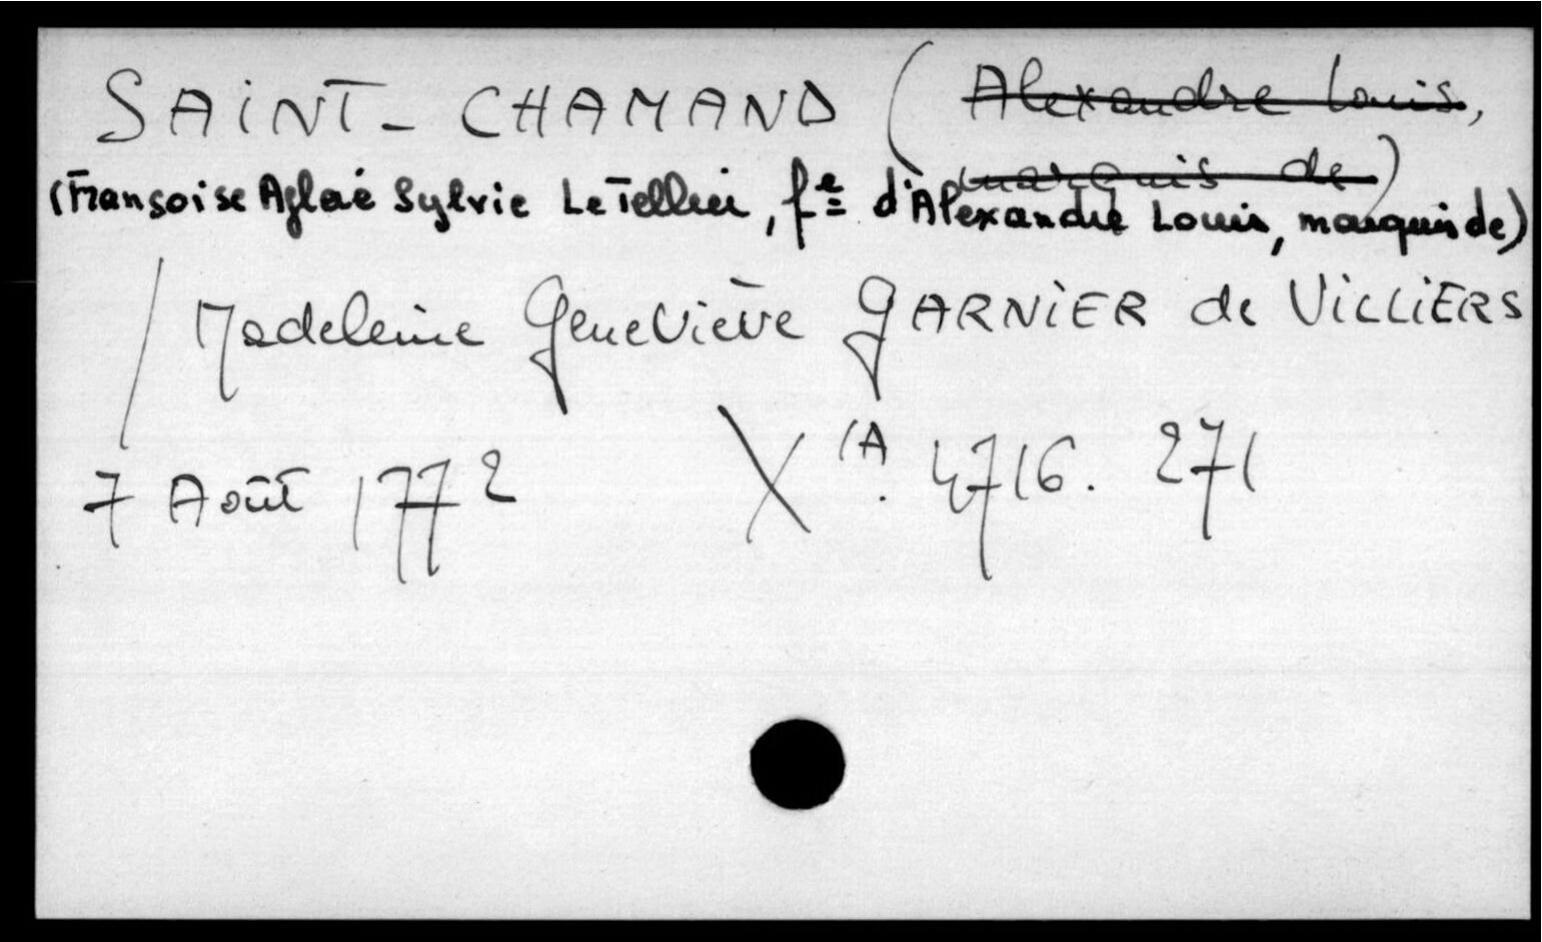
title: SAINT-CHAMAND (Françoise Aglaé Sylvie Letellier, fille d'Alexandre Louis, marquis de)
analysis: Contre Madeleine Geneviève GARNIER de VIlLIERS
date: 7 août 1772
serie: X1A
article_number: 4716
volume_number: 271
